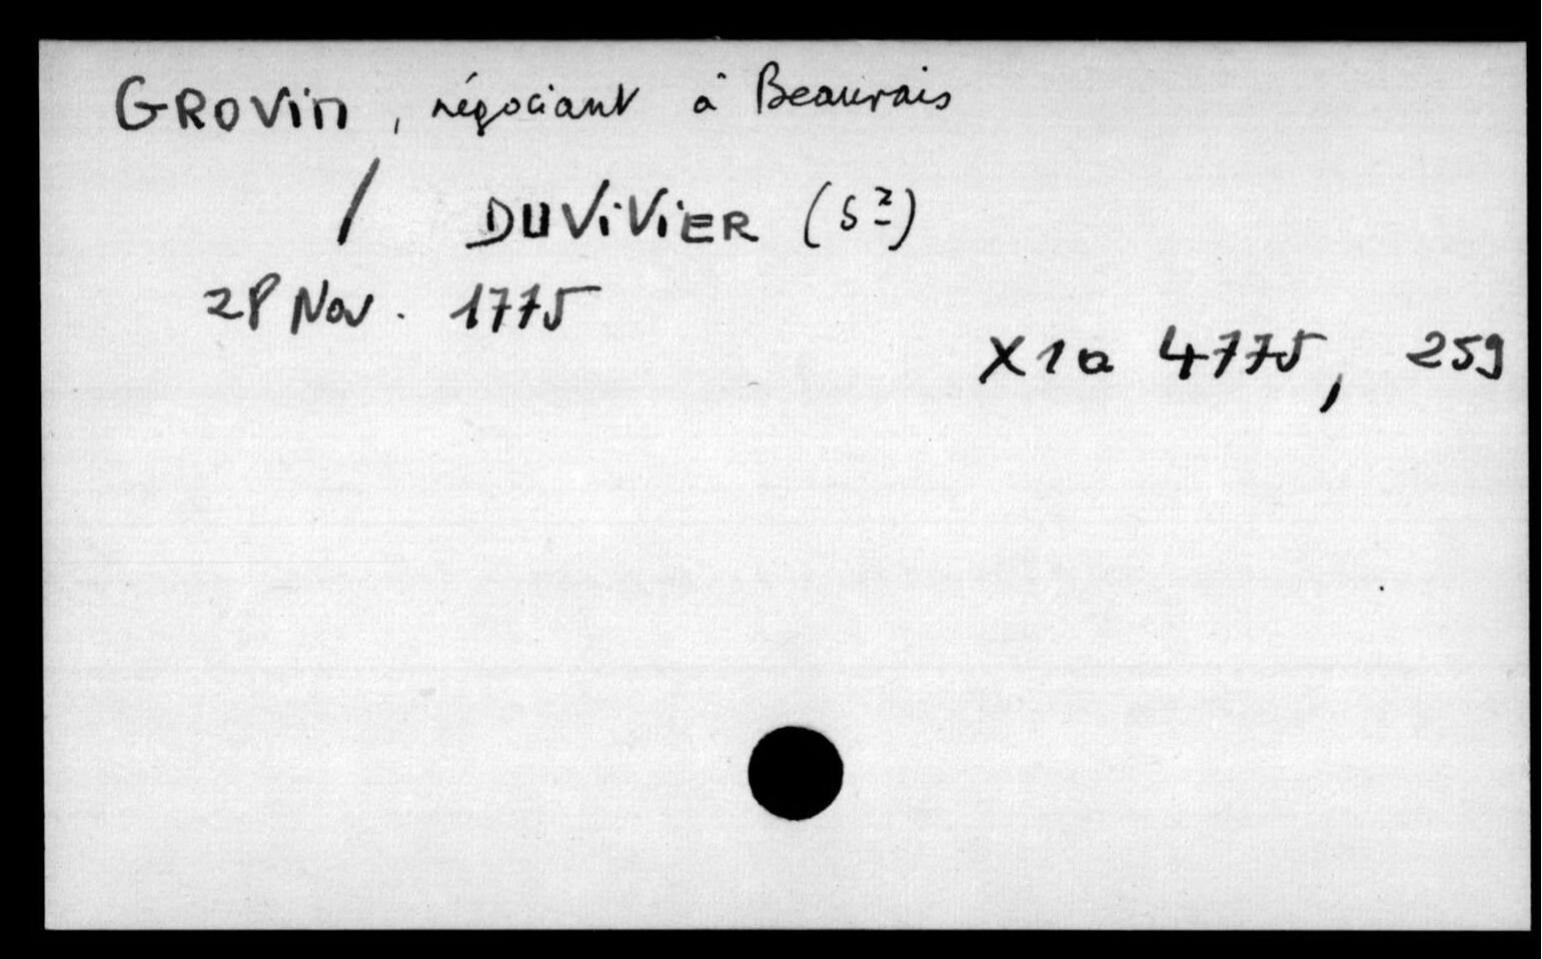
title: GROVIN, négociant à Beauvais
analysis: Contre DUVIVIER (sieur)
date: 28 novembre 1775
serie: X1a
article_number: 4775
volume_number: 259
